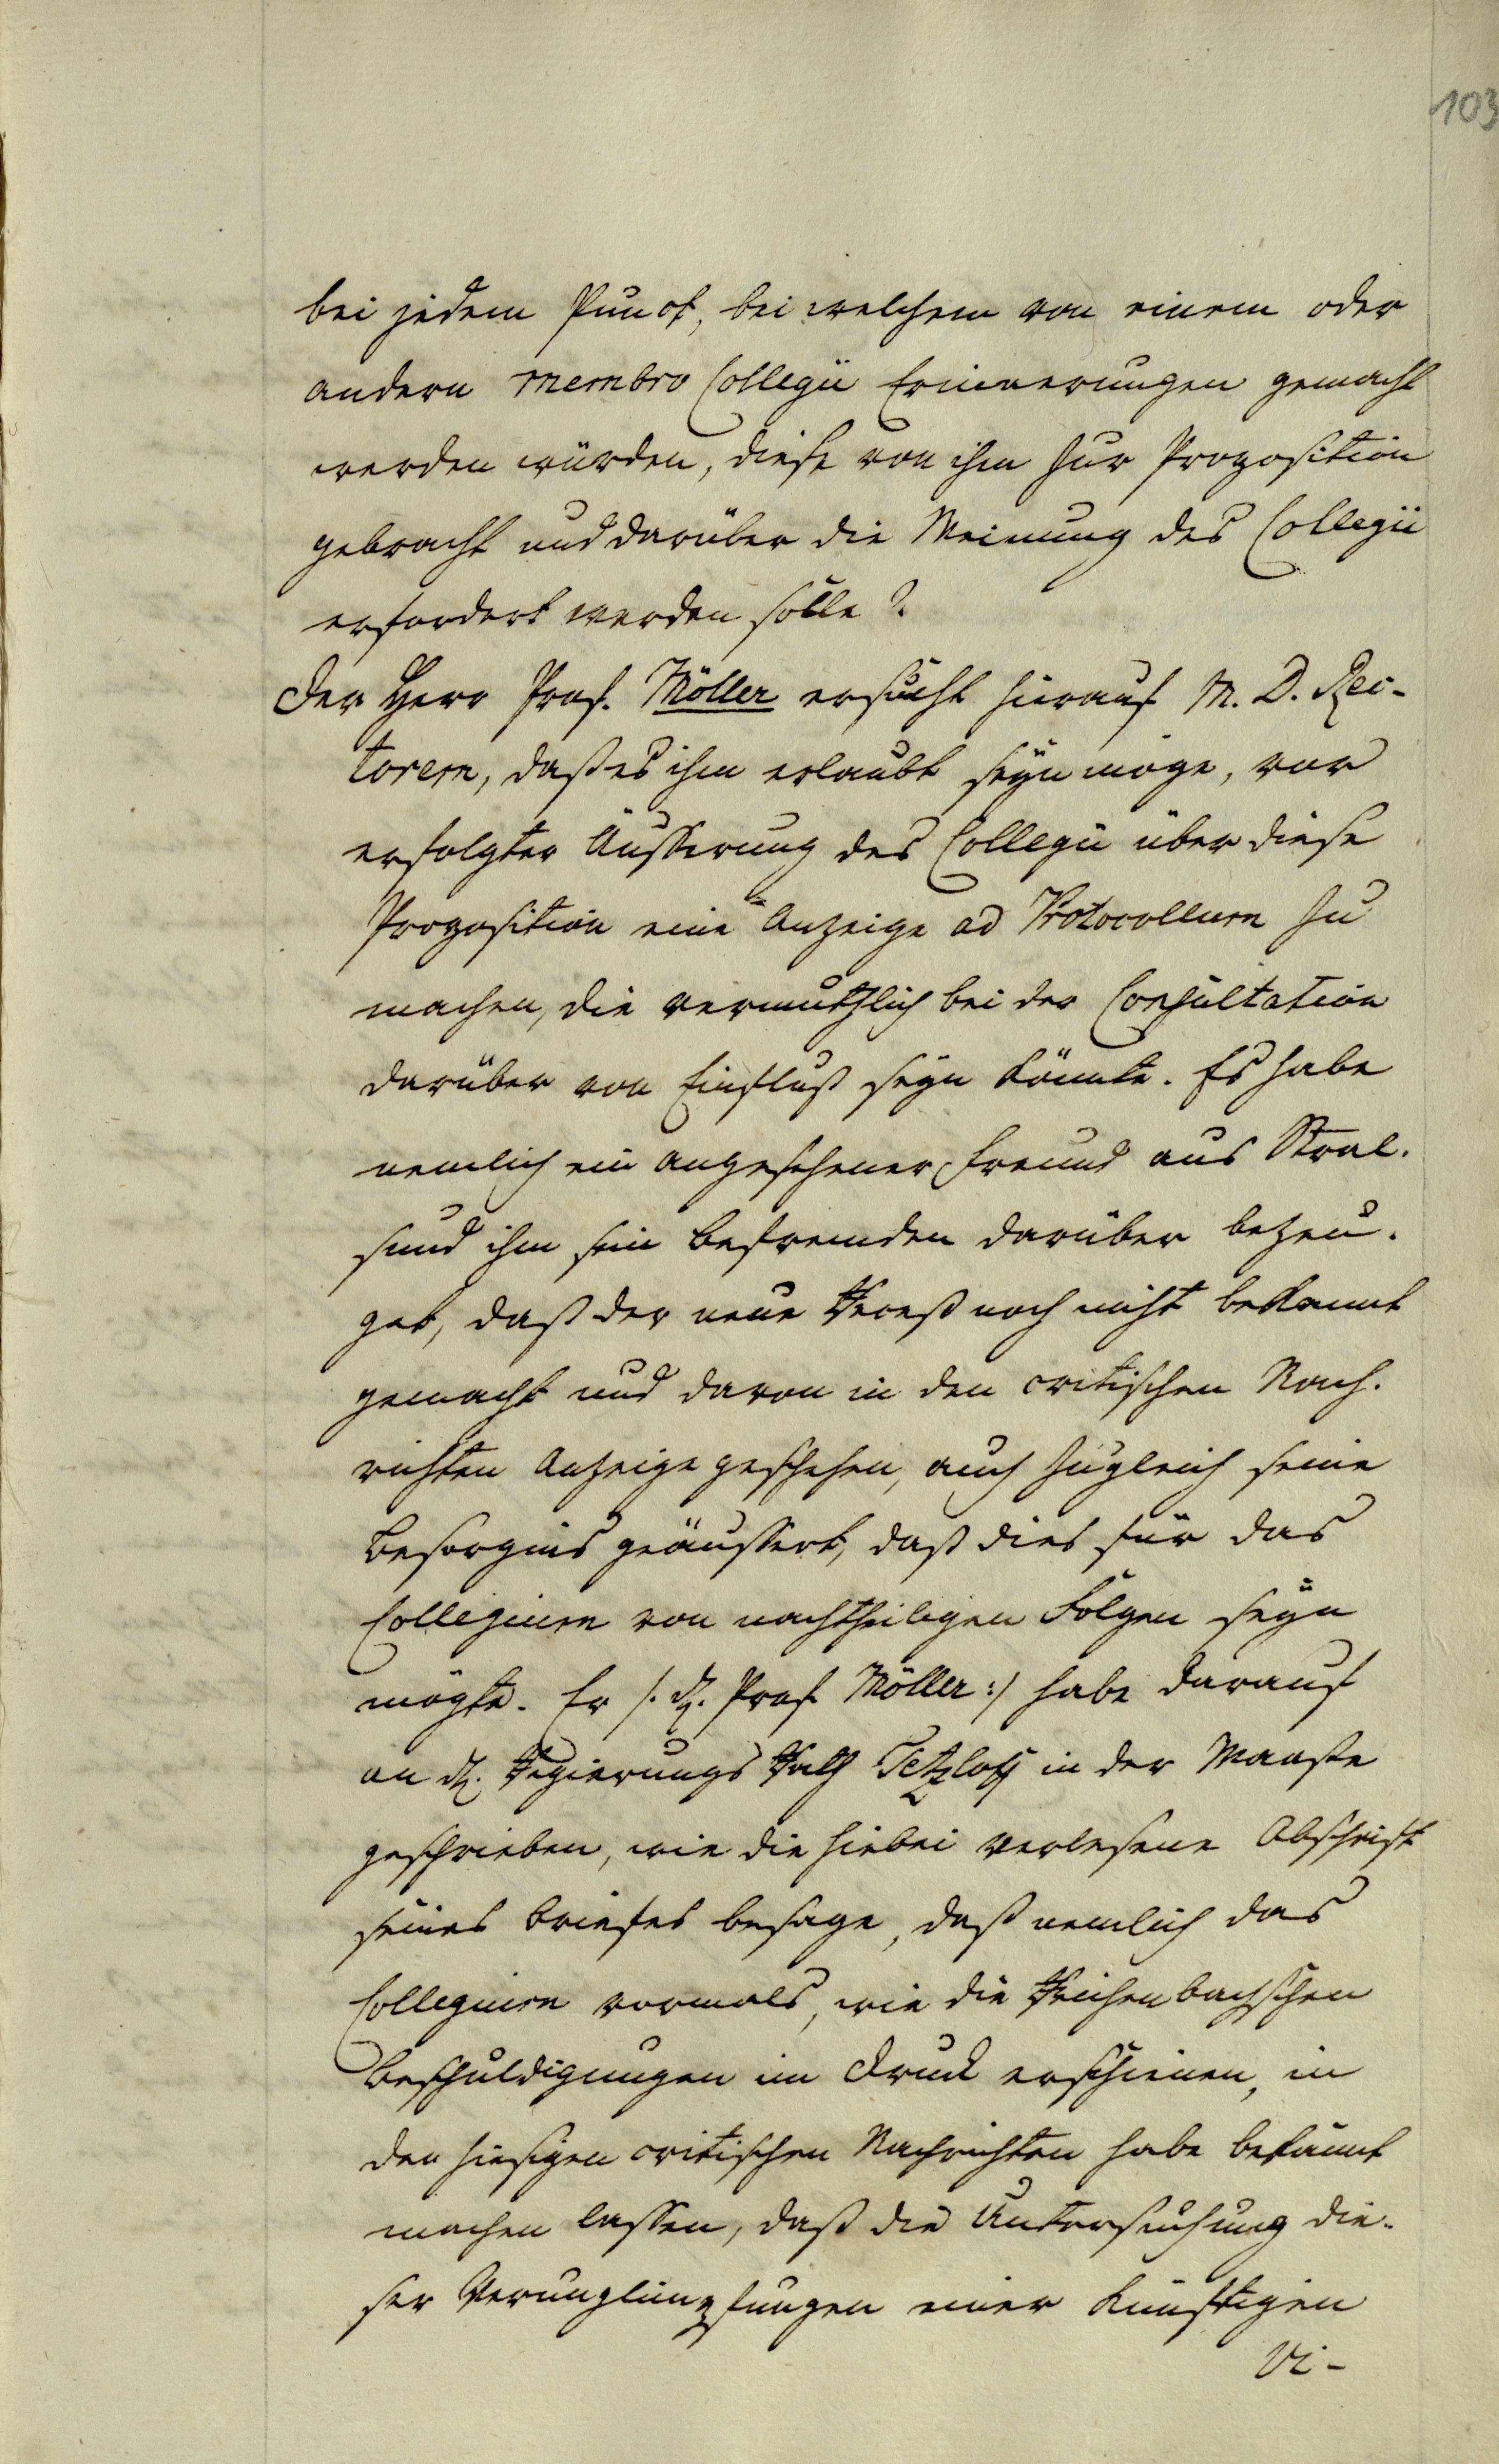bei jedem Punct, bei welchem von einem oder
andern membro Collegii Erinnerungen gemacht
werden würden, diese von ihm zur Proposition
gebracht und darüber die Meinung des Collegii
erfordert werden solle?
Der Herr Prof. Möller ersucht hierauf M. D. Rec¬
torem, daß es ihm erlaubt seÿn möge, vor
erfolgter Äusserung des Collegii über diese
Proposition eine Anzeige ad Protocollum zu
machen, die vermuthlich bei der Consultation
darüber von Einfluß seÿn könnte. Es habe
nemlich ein angesehener Freund aus Stral¬
sund ihm sein Befremden darüber bezeu¬
get, daß der neue Receß noch nicht bekannt
gemacht und davon in den critischen Nach¬
richten Anzeige geschehen, auch zugleich seine
Besorgnis geäussert, daß dies für das
Collegium von nachtheiligen Folgen seÿn
mögte. Er /. dh. Prof. Möller :/ habe darauf
an dh. Regierungs Rath Tetzloff in der Maaße
geschrieben, wie die hiebei verlesene Abschrift
seines Briefes besage, daß nemlich das
Collegium vormals, wie die Reichenbachschen
Beschuldigungen im Druck erschienen, in
den hiesigen critischen Nachrichten habe bekannt
machen lassen, daß die Untersuchung die¬
ser Verunglimpfungen einer künftigen
Vi¬